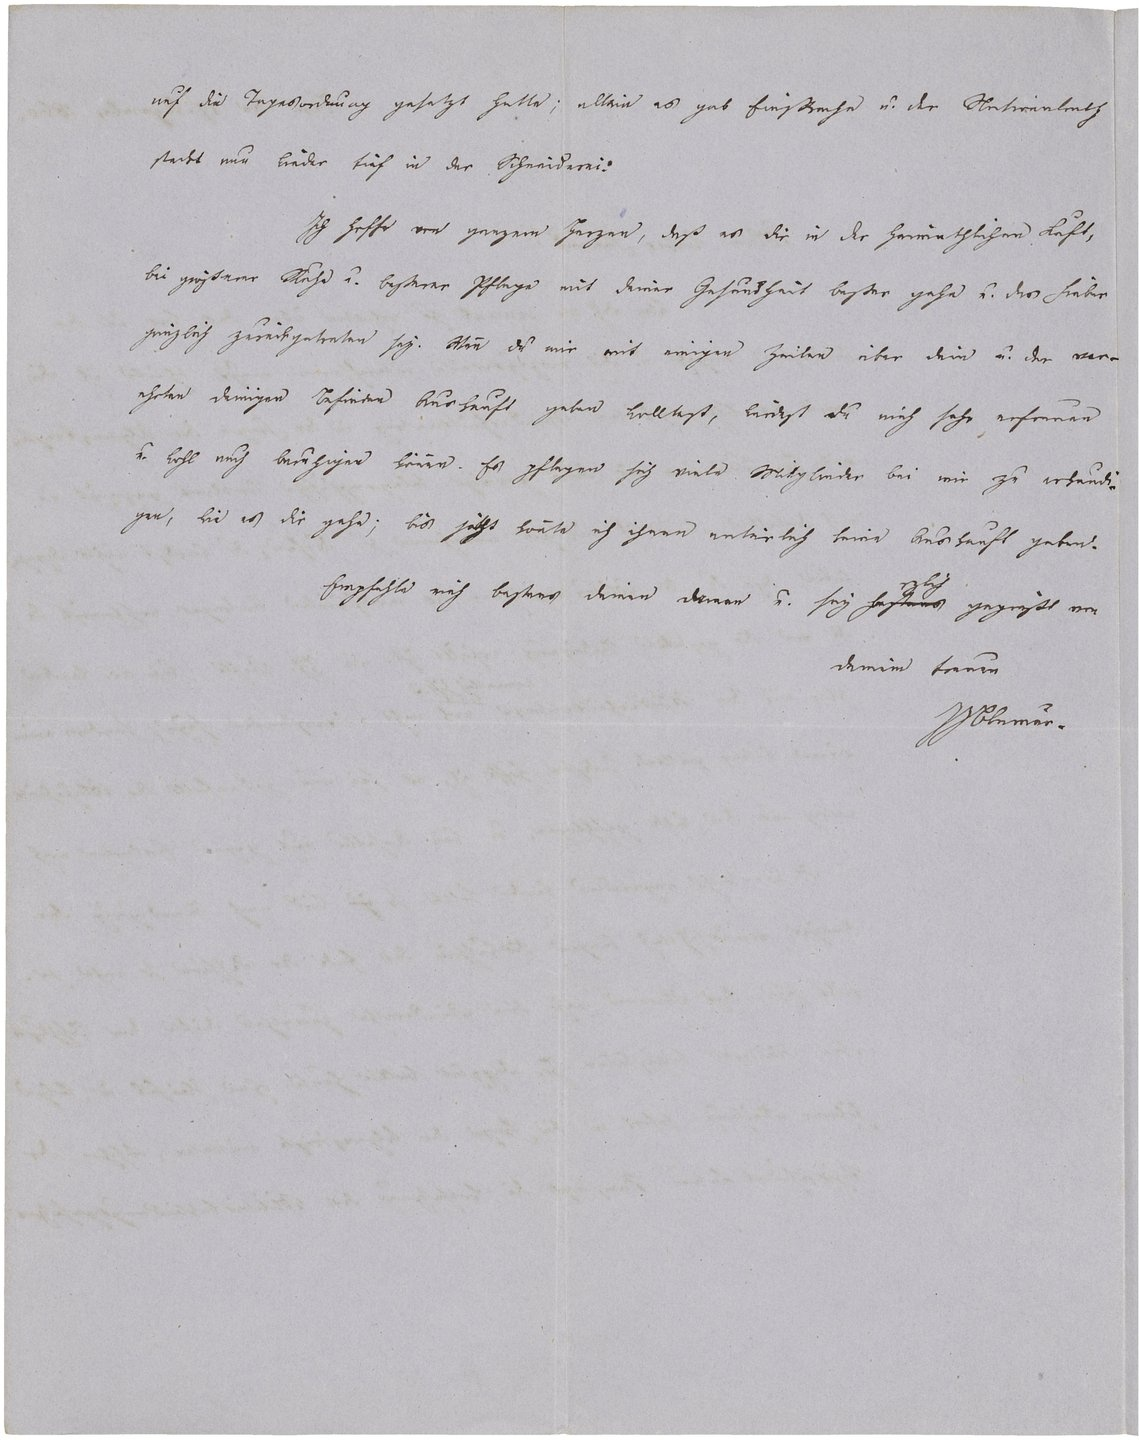auf die Tagesordnung gesetzt hatte; allein es gab Einsprache u. der Nationalrath
steckt nun wieder tief in der Schneiderei!
Ich hoffe von ganzem Herzen, daß es Dir in der heimathlichen Luft,
bei größerer Ruhe u. beßerer Pflege mit Deiner Gesundheit beßer gehe u. das Fieber
gänzlich zurückgetreten sey. Wenn Du mir mit einigen Zeilen über Dein u. der ver-
ehrten Deinigen Befinden Auskunft geben wolltest, würdest Du mich sehr erfreuen
u. wohl auch beruhigen können. Es pflegen sich viele Mitglieder bei mir zu erkundi-
gen, wie es Dir gehe; bis jetzt konnte ich ihnen natürlich keine Auskunft geben.
Empfehle mich bestens Deinen Damen u. sey bestensherzlich gegrüßt von
Deinem treuen
J J Blumer.